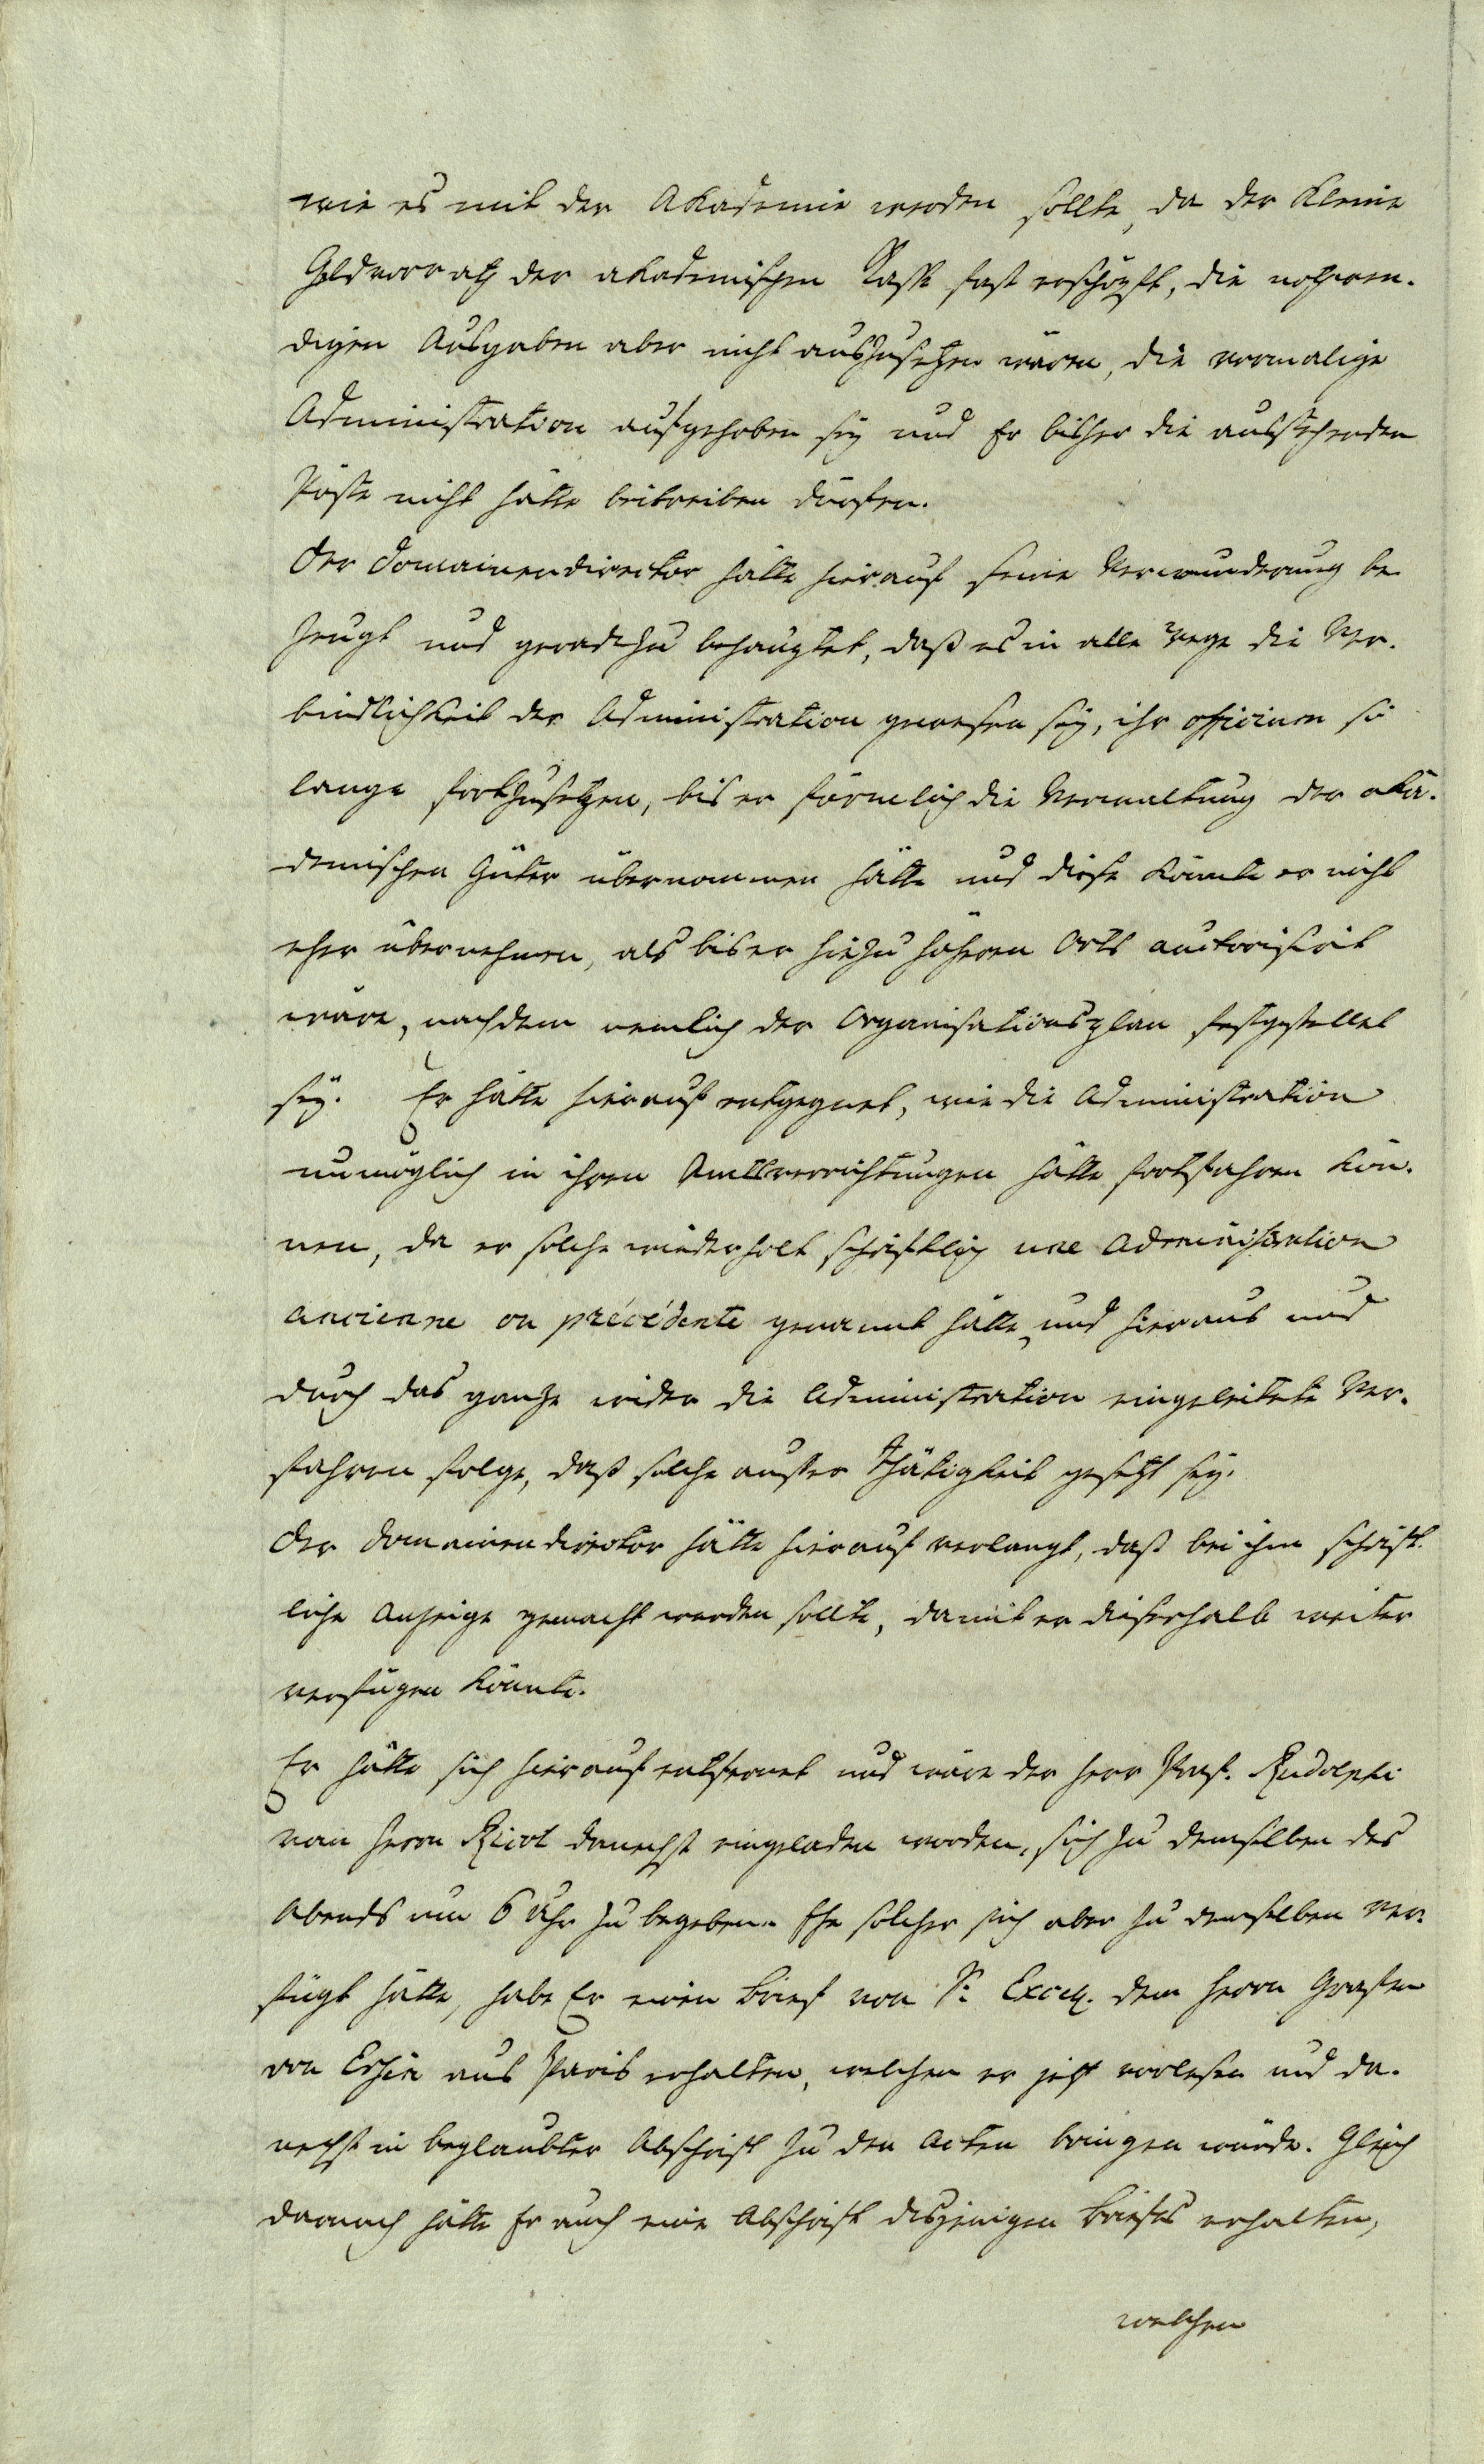wie es mit der Akademie werden sollte da der kleine
Geldvorrath der akademischen Kasse fast erschöpft, die nothwen¬
digen Ausgaben aber nicht auszusetzen wären, die vormalige
Administration aufgehoben seÿ und Er bisher die ausstehenden
Pöste nicht hätte beitreiben dürfen.
Der Domainendirector hätte hierauf seine Verwunderung be¬
zeugt und geradezu behauptet, daß es in alle Wege die Ver¬
bindlichkeit der Administration gewesen seÿ, ihr officium so
lange fortzusetzen, bis er förmlich die Verwaltung der aka¬
demischen Güter übernommen hätte und diese könnte er nicht
eher übernehmen, als bis er hiezu höheren Orts auctorisirt
wäre, nachdem nemlich der Organisationsplan festgestellet
seÿ. Er hätte hierauf entgegnet, wie die Administration
unmöglich in ihren Amtsverrichtungen hätte fortfahren kön¬
nen, da er solche wiederholt schriftlich une Administration
ancienne on précédente genannt hätte, und hieraus und
durch das ganze wider die Administration eingeleitete Ver¬
fahren folge, daß solche ausser Thätigkeit gesetzt seÿ.
Der Domainendirector hätte hierauf verlangt, daß bei ihm schrift¬
liche Anzeige gemacht werden sollte, damit er dieserhalb weiter
verfügen könnte.
Er hätte sich hierauf entfernet und wäre der Herr Prof. Rudolphi
von Herrn Ricot danechst eingeladen worden, sich zu demselben des
Abends um 6 Uhr zu begeben. Ehe solcher sich aber zu demselben ver¬
fügt hätte, habe Er einen Brief von Sr. Excell. dem Herrn Grafen
von Essen aus Paris erhalten, welchen er jetzt vorlesen und da¬
nechst in beglaubter Abschrift zu den Acten bringen würde. Gleich
darnach hätte Er auch eine Abschrift desjenigen Briefes erhalten,
welchen